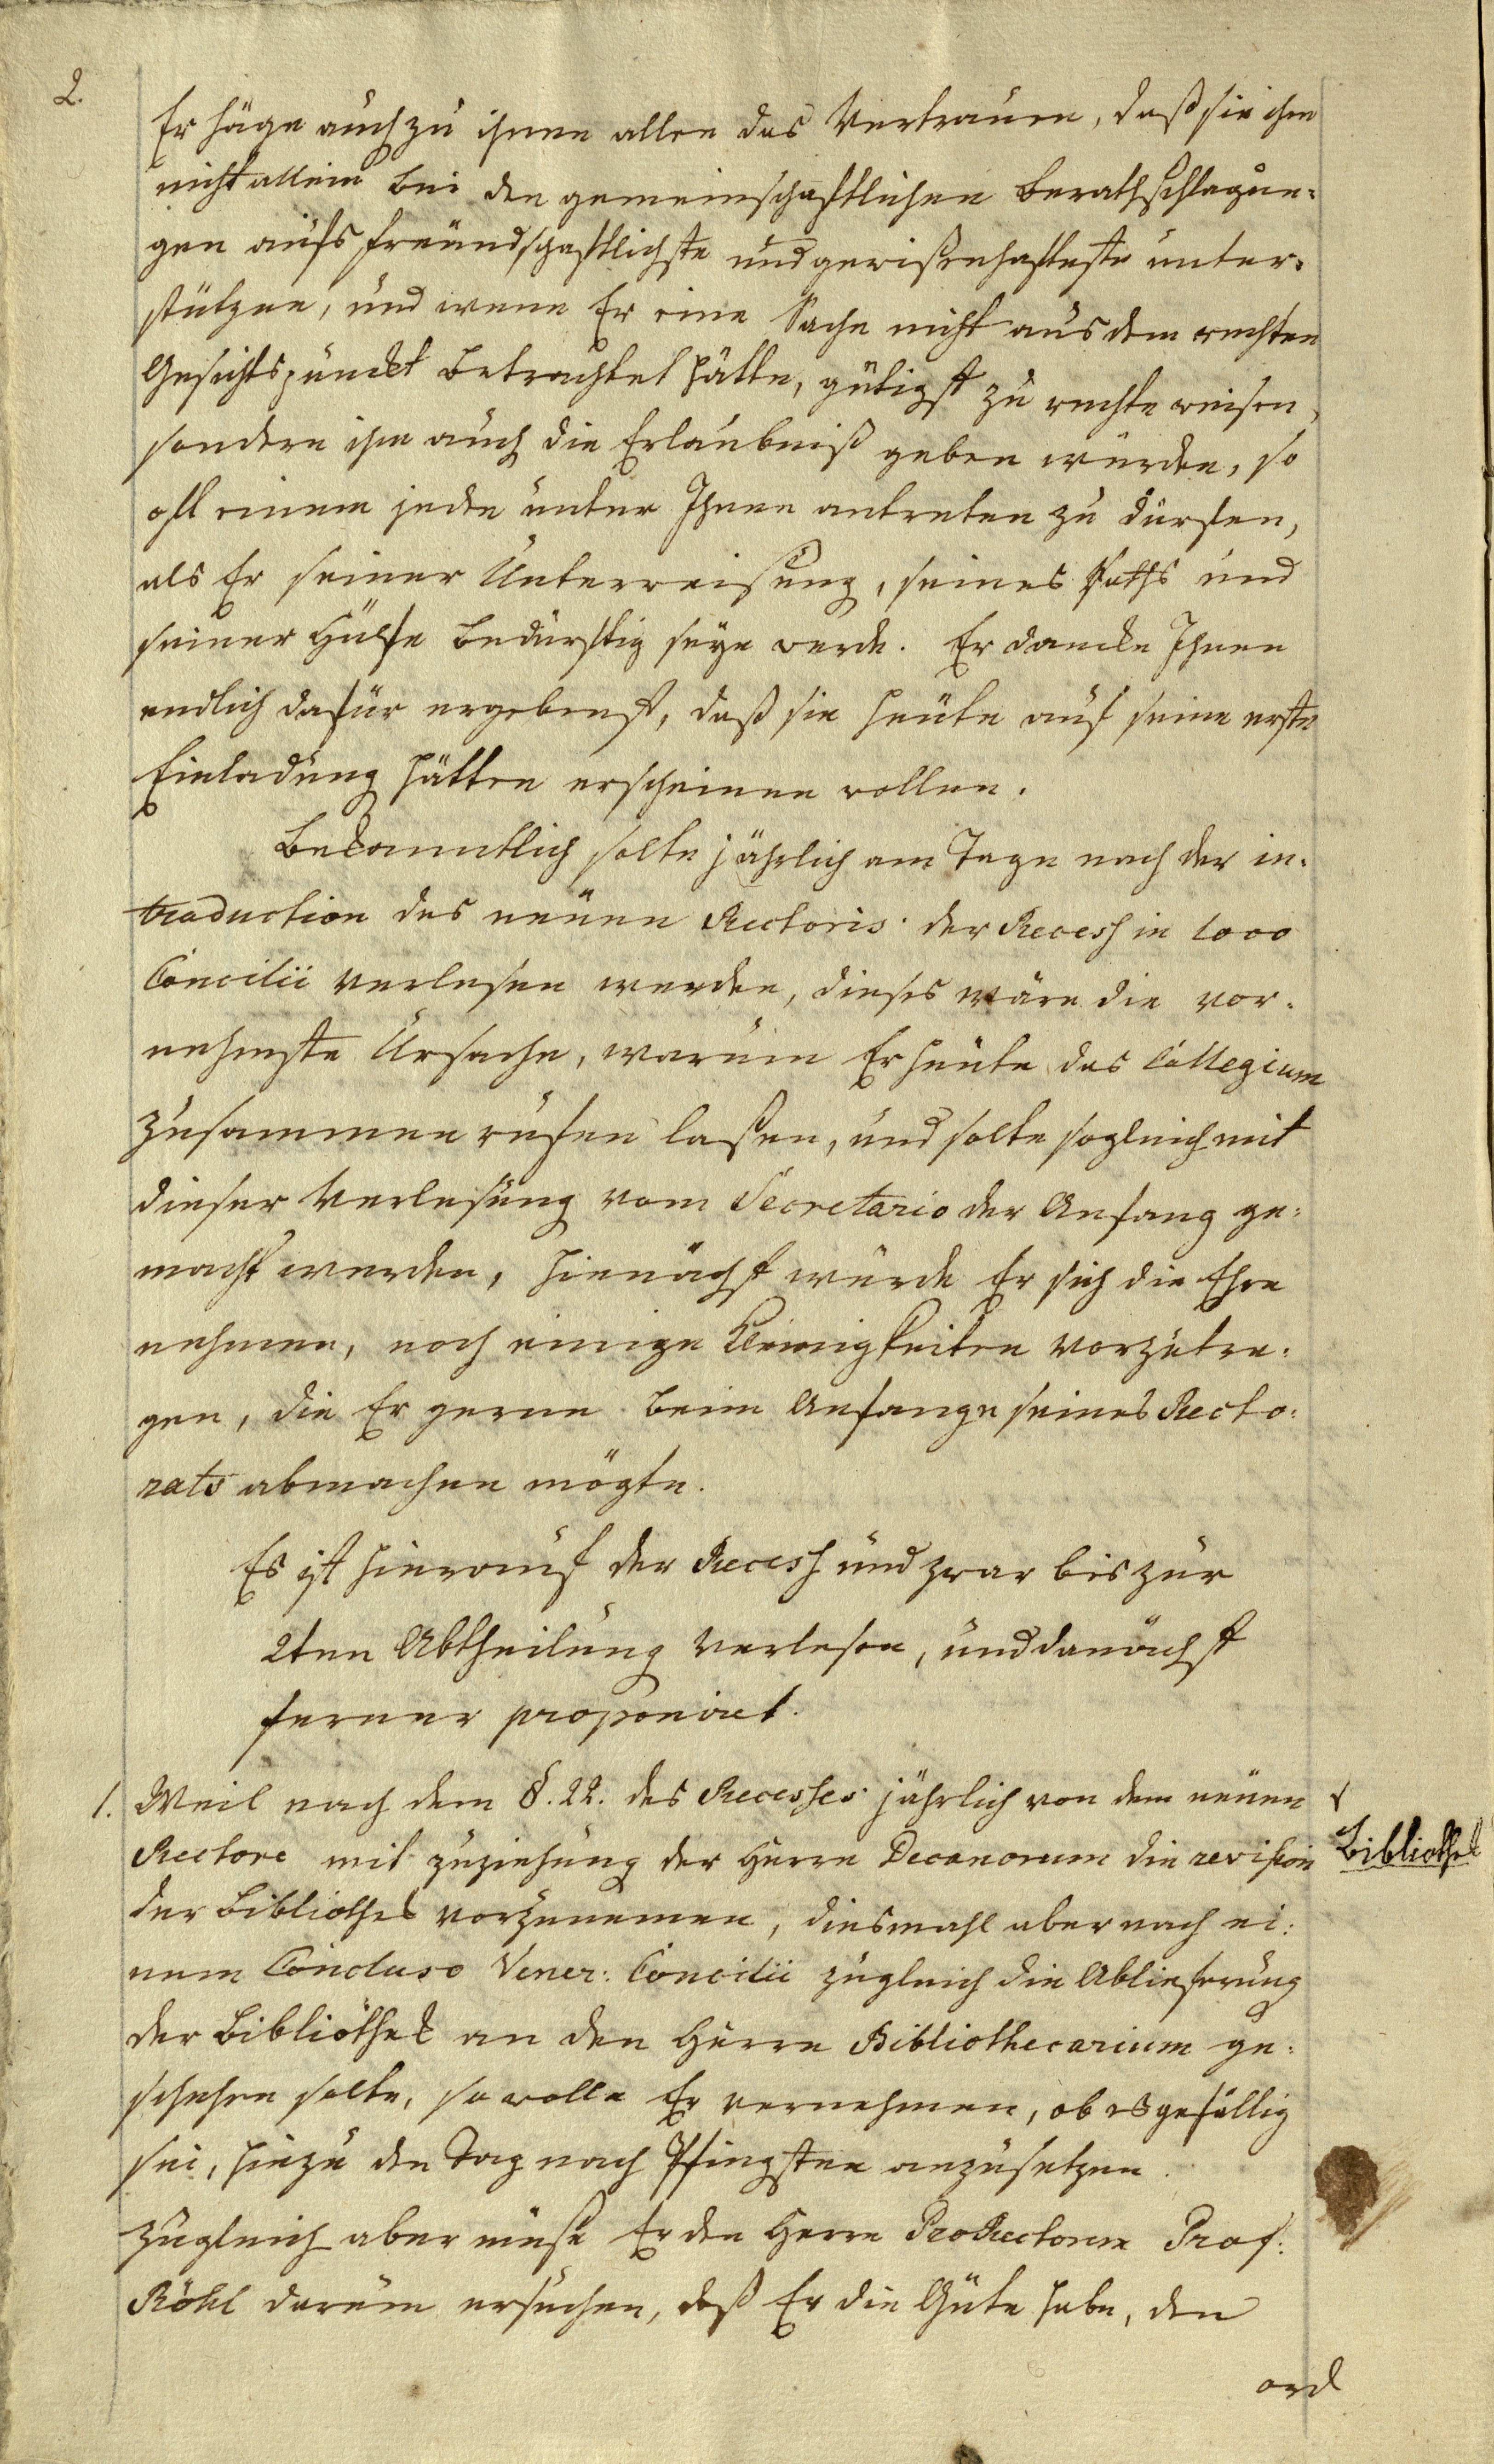Er häge auch zu ihnen allen das Vertrauen, daß sie ihm
nicht allein bei den gemeinschaftlichen Berathschlagun¬
gen aufs freundschaftlichste und gewißenhafteste unter¬
stützen, und wenn Er eine Sache nicht aus dem rechten
Gesichtspunckt betrachtet hätte, gütigst zu rechte weisen,
sondern ihm auch die Erlaubniß geben würden, so
oft einem jeden unter Ihnen antreten zu dürfen,
als Er seiner Unterweisung, seines Raths und
seiner Hülfe bedürftig seÿn werde. Er dancke Ihnen
endlich dafür ergebenst, daß sie heute auf seine erste
Einladung hätten erscheinen wollen.
Bekanntlich solte jährlich am Tage nach der in¬
troduction des neuen Rectoris der Recess in loco
Concilii verlesen werden, dieses wäre die vor¬
nehmste Ursache, warum Er heute das Collegium
zusammen rufen laßen, und solte sogleich mit
dieser Verlesung vom Secretario der Anfang ge¬
macht werden, hienächst würde Er sich die Ehre
nehmen, noch einige Kleinigkeiten vorzutra¬
gen, die Er gerne beim Anfange seines Recto¬
rats abmachen mögte.
Es ist hierauf der Recess und zwar bis zur
2ten Abtheilung verlesen, und danächst
ferner proponiret.
1. Weil nach dem §.22. des Recesses jährlich von dem neuen
Rectore mit zuziehung der Herrn Decanorum die revision
der Bibliothek vorzunemen, diesmahl aber nach ei¬
nem Concluso Vener: Concilii zugleich die Ablieferung
der Bibliothek an den Herrn Bibliothecarium ge¬
schehen solte, so wolle er vernehmen, ob es gefällig
sei, hiezu den Tag nach Pfingsten anzusetzen.
zugleich aber müße Er den Herrn ProRectorem Prof:
Röhl darum ersuchen, daß Er die Güte habe, den